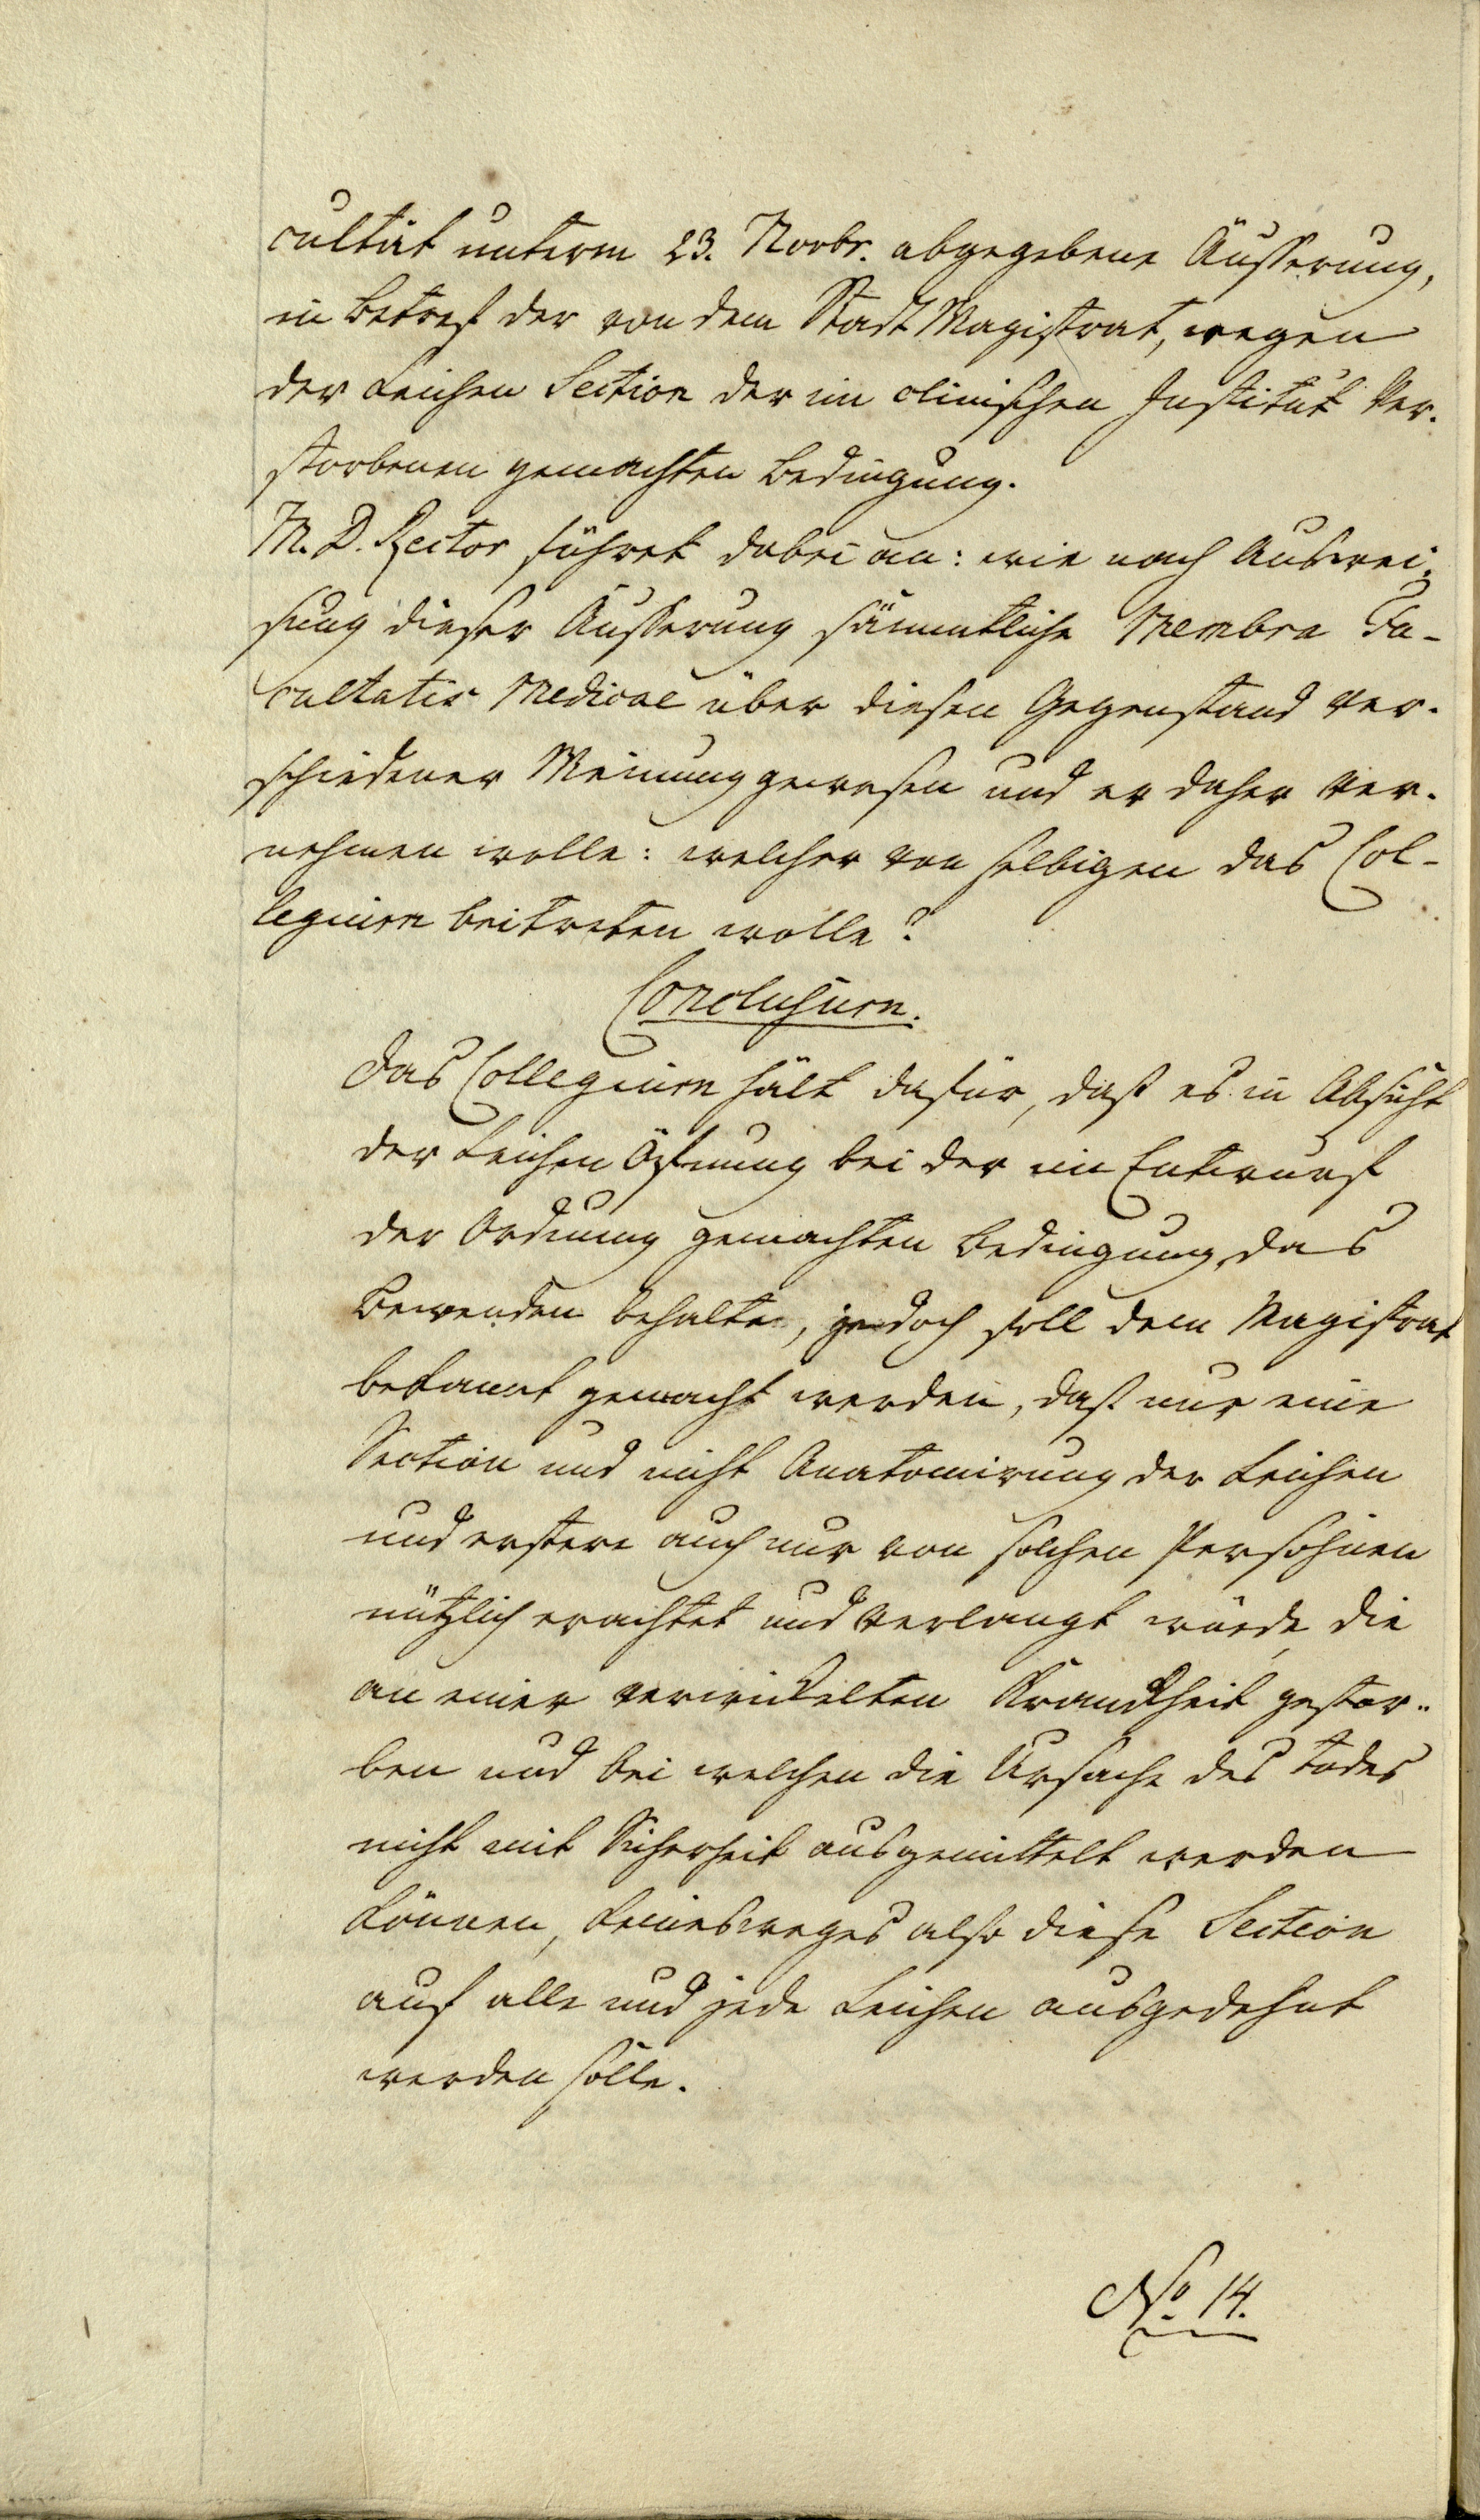cultät unterm 23. Novbr. abgegebene Äusserung,
in Betref der von dem Stadt Magistrat, wegen
der Leichen Section der im clinischen Institut Ver¬
storbenen gemachten Bedingung.
M. D. Rector führet dabei an: wie nach Auswei¬
sung dieser Äusserung sämmtliche Membra Fa¬
cultatis Medicae über diesen Gegenstand ver¬
schiedener Meinung gewesen und er daher ver¬
nehmen wolle: welcher von selbigen das Col¬
legium beitreten wolle?
Conclusum.
Das Collegium hält dafür, daß es in Absicht
der Leichen Öfnung bei der im Entwurf
der Ordnung gemachten Bedingung das
Bewenden behalten, jedoch soll dem Magistrat
bekannt gemacht werden, daß nur eine
Section und nicht Anatomirung der Leichen
und erstere auch nur von solchen Persohnen
nützlich erachtet und verlangt würde, die
an einer verwickelten Kranckheit gestor¬
ben und bei welchen die Ursache der Todes
nicht mit Sicherheit ausgemittelt werden
können, keinesweges also diese Section
auf alle und jede Leichen ausgedehnt
werden solle.
No 14.